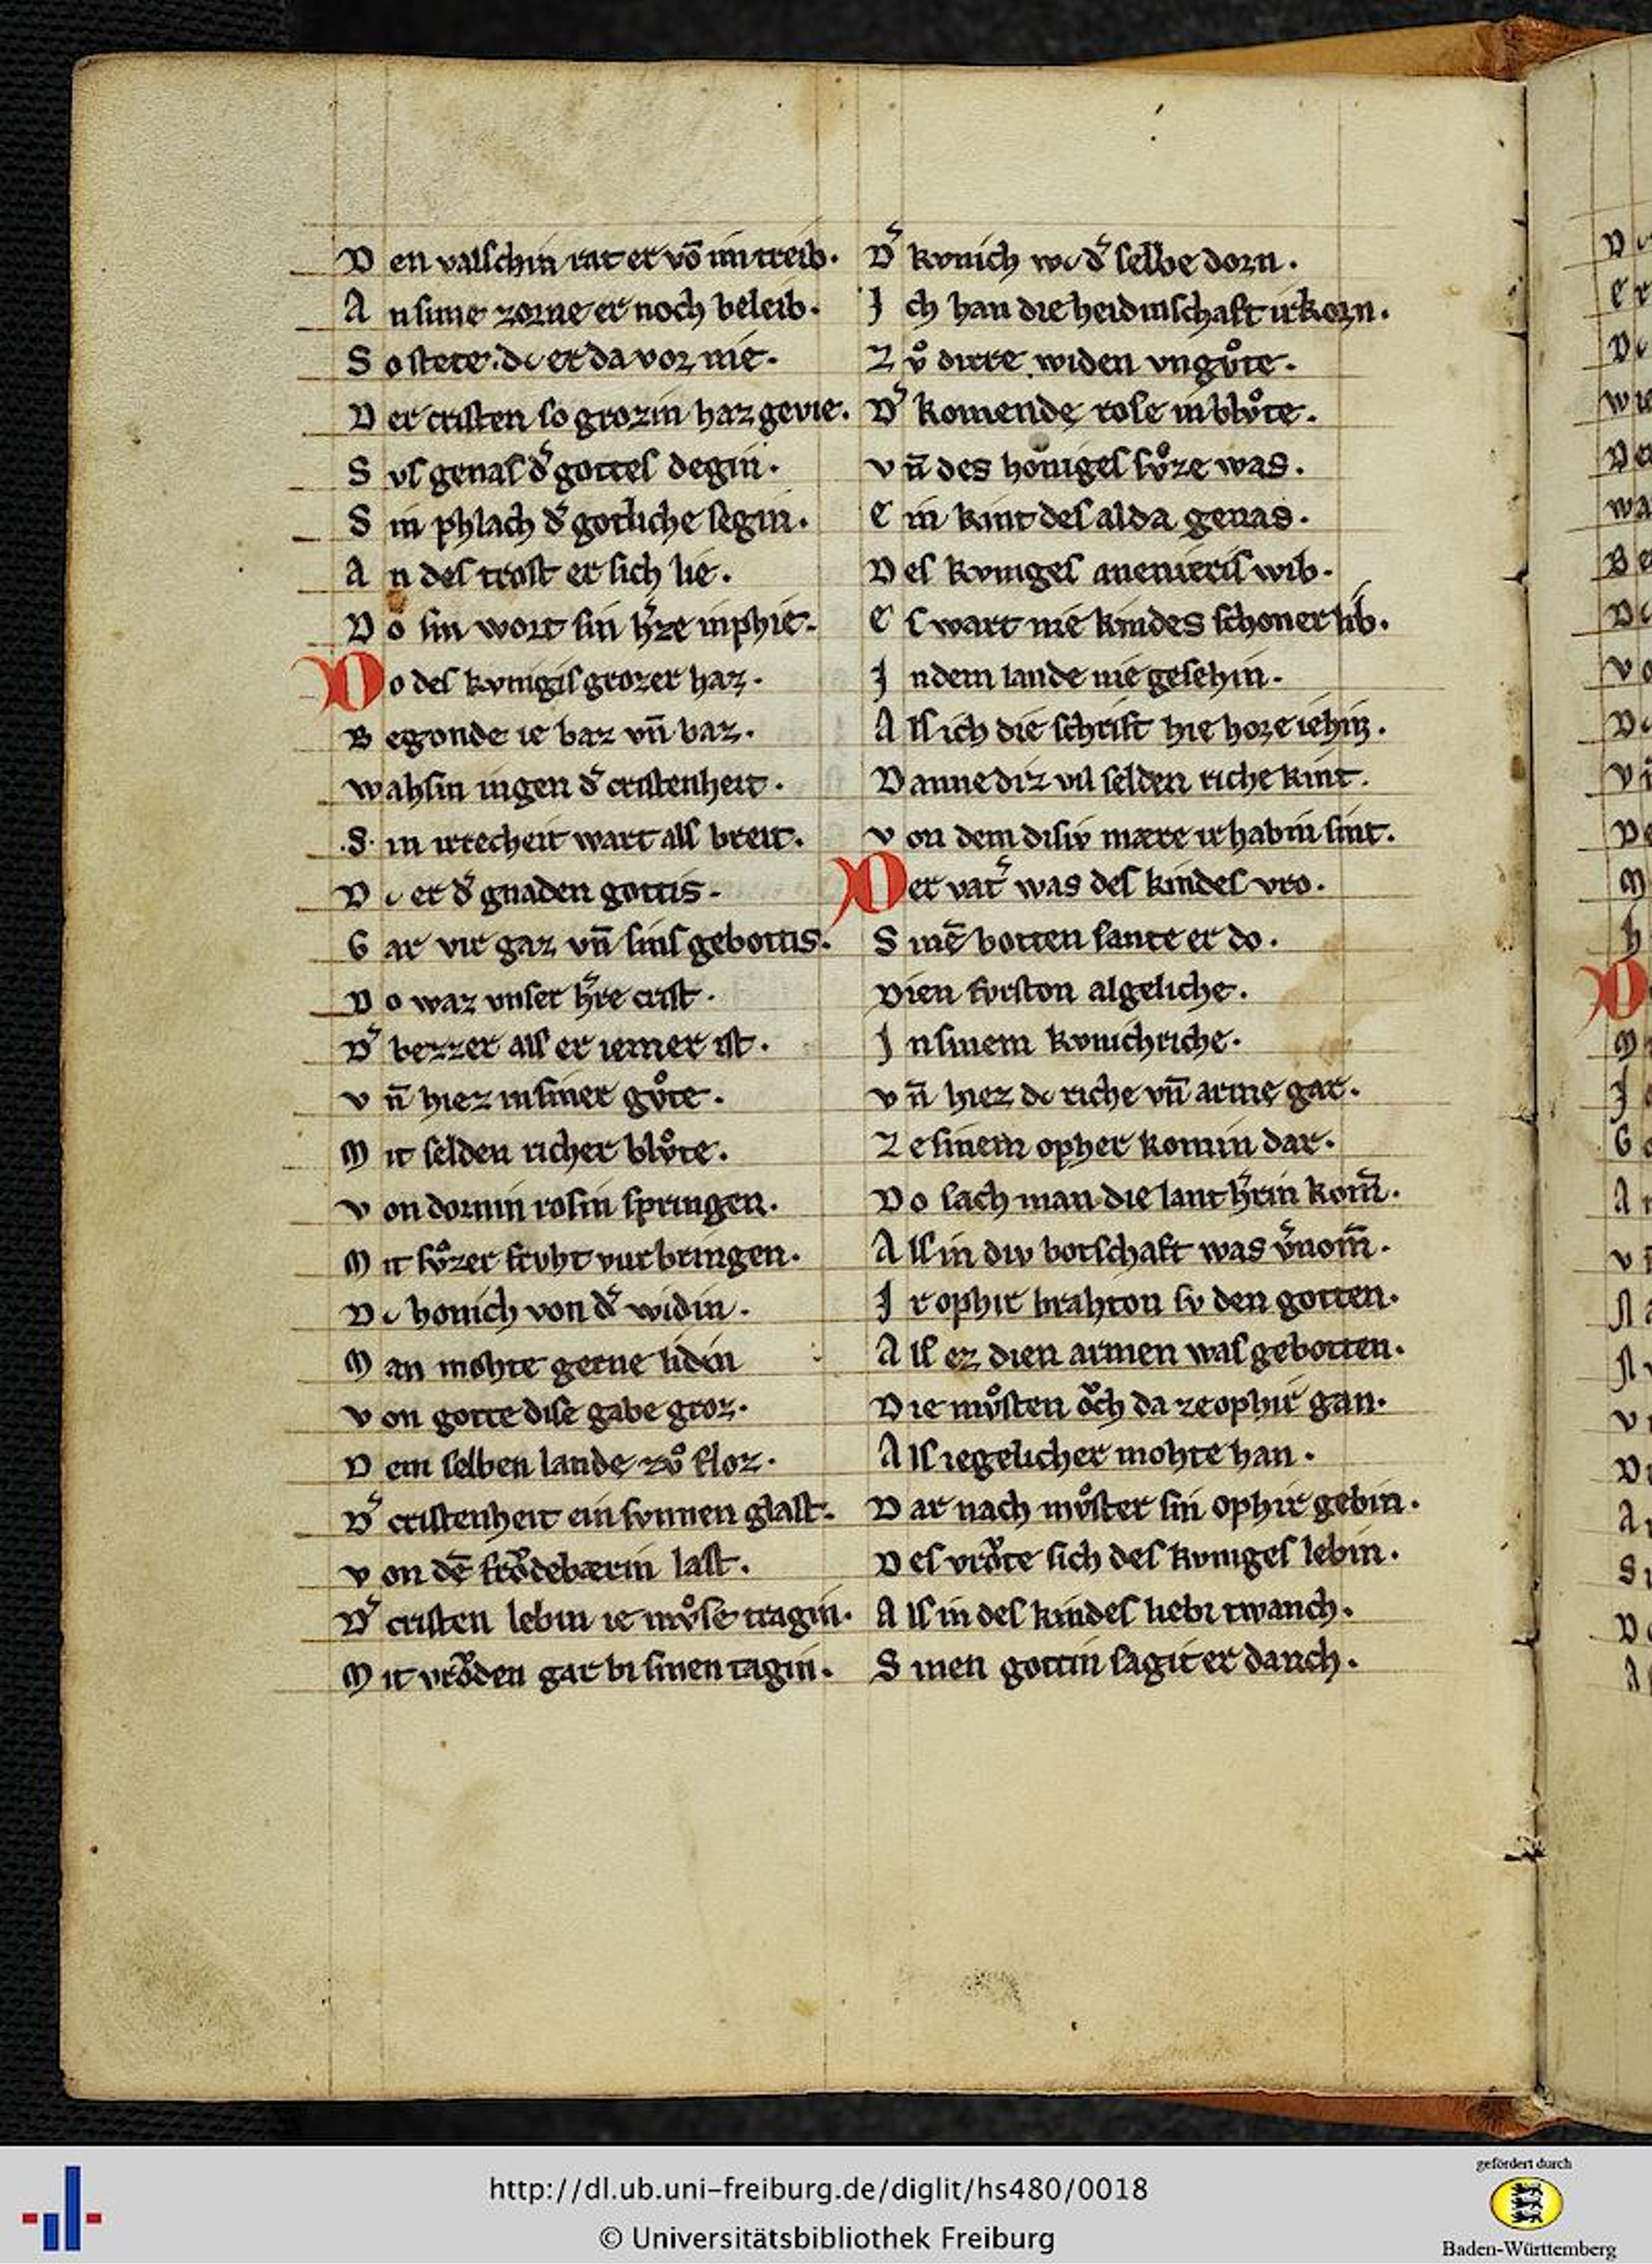Den valſchin rat er vo(n) im treib.
An ſime zorne er noch beleib.
So ſtete. d(az) er da vor nie.
Der criſten ſo grozin haz gevie.
Svſ genaſ d(er) gotteſ degin.
Sin phlach d(er) gotliche ſegin.
An deſ troſt er ſich lie.
Do ſin wort ſin h(er)ze inphie.
*Do deſ kvnigiſ grozer haz.
Begonde ie baz vn(d) baz.
Wahſin ingen d(er) criſtenheit.
Sin irrecheit wart alſ breit.
D(az) er d(er) gnaden gottis.
Gar vir gaz vn(d) ſinſ gebottis.
Do waz vnſer h(er)re criſt.
D(er) bezzer alſ er iemer iſt.
Vn(d) hiez in ſiner gv°ote.
Mit ſelden richer blv°ote.
Von dornin roſin ſpringen.
MIt ſv°ozer frvht vurbringen.
D(az) honich von d(er) widin.
Man mohte gerne lidin.
Von gotte diſe gabe groz.
Dem ſelben lande zv°o floz.
D(er) criſtenheit ein ſvnnen glaſt.
Von de(m) fro°vdeb[ae]rin laſt.
D(er) criſten lebin ie mv°oſe tragin.
Mit vro°vden gar bi ſinen tagin.
D(er) kvnich w(az) d(er) ſelbe dorn.
Ich han die heindinchaft irkorn.
Zv°o dirre widen vngv°ote.
D(er) komende roſe in blv°ote.
Vn(d) des honigeſ ſv°oze was.
Ein kint deſ alda genas.
Deſ kvnigeſ auenieriſ wib.
Eſ wart nie kindeſ ſchoner lib.
Indem lande nie geſehin.
Alſ ich die ſchrift hie hore iehi?.
Danne diz vil ſelden riche kint.
Von dem diſiv m[ae]re irhabin ſint.
*Der vat(er) was deſ kindeſ vro.
Sine(n) botten ſante er do.
Dien fvrſton algeliche.
Inſinem kvnichriche.
Vn(d) hiez d(az) riche vn(d) arme gar.
Ze ſinem opher komin dar.
Do ſach man die lant h(er)rin kom(n).
Alſ in div botſchaft was v(er)nom(n).
Ir ophir brahton ſv den gotten.
Alſ ez dien armen waſ gebotten.
Die mv°oſten o°vch da ze ophir gan.
Alſ iegelicher mohte han.
Dar nach mv°oſter ſin ophir gebin.
Deſ vro°vte ſich deſ kvnigeſ lebin.
Alſ in deſ kindeſ liebi twanch.
Sinen gottin ſagit er danch.